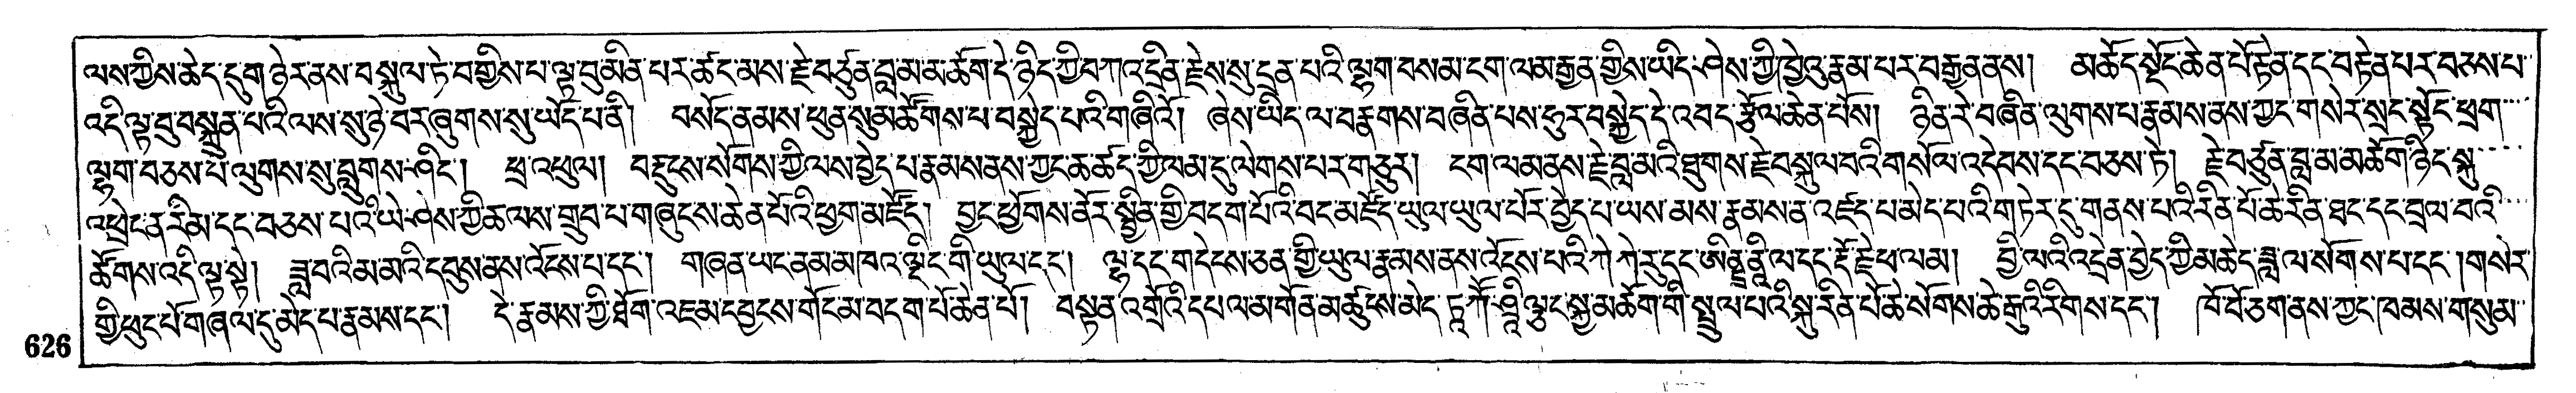ལས་ཀྱིས་ཆེད་དུ་གཉེར་ནས་བསྐུལ་ཏ་བགྱིས་པ་ལྟ་བུ་མིན་པར་ཚང་མས་རྗེ་བཙུན་བླ་མ་མཆོག་དེ་ཉིད་ཀྱི་བཀའ་དྲིན་རྗེས་སུ་དྲན་པའི་ལྷག་བསམ་དག་ལམ་རྒྱན་གྱིས་ཡིད་ཤེས་ཀྱི་ཁྱེའུ་རྣམ་པར་བརྒྱན་ནས། མཆོད་སྡོང་ཆེན་པོ་རྟེན་དང་བརྟེན་པར་བཅས་པ་
འདི་ལྟ་བུ་བསྐྲུན་པའི་ལས་སུ་ཉེ་བར་ཞུགས་སུ་ཡོད་པ་ནི། བསོད་ནམས་ཕུན་སུམ་ཚོགས་པ་བསྐྱེད་པའི་གཞིའོ། ཞེས་ཡིད་ལ་བརྣགས་བཞིན་པས་ཧུར་བསྐྱེད་དེ་འབད་རྩོལ་ཆེན་པོས། ཉིན་རེ་བཞིན་ལུགས་པ་རྣམས་ནས་ཀྱང་གསེར་སྲང་སྟོང་ཕྲག་
ལྷག་བཅས་པ་ལུགས་སུ་བླུགས་ཤིང་། ཕྲ་འཕུལ། བརྡུངས་སོགས་ཀྱི་ལས་བྱེད་པ་རྣམས་ནས་ཀྱང་ཆ་ཚད་ཀྱི་ལམ་དུ་ལེགས་པར་གཅུར། ངག་ལམ་ནས་རྗེ་བླ་མའི་ཐུགས་རྗེ་བསྐུལ་བའི་གསོལ་འདེབས་དང་བཅས་ཏེ། རྗེ་བཙུན་བླ་མ་མཆོག་ཉིད་སྐུ་
འཕྲེང་ན་རིམ་དང་བཅས་པའི་ཡེ་ཤེས་ཀྱི་ཆ་ལས་གྲུབ་པ་གཞུང་ས་ཆེན་པོའི་ཕྱག་མཛོད། བྱང་ཕྱོགས་ནོར་སྦྱིན་གྱི་བདག་པོའི་བང་མཛོད་ཡུལ་ཡུལ་པོར་བྱེད་པ་ཡས་མས་རྣམས་ན་འཛད་པ་མེད་པའི་གཏེར་དུ་གནས་པའི་རིན་པོ་ཆེ་རིན་ཐང་དང་བྲལ་བའི་
ཚོགས་འདི་ལྟ་སྟེ། ཟླ་བའི་མ་མའི་དབུས་ནས་འོངས་པ་དང་། གཞན་ཡང་ནམ་མཁའ་ལྡིང་གི་ཡུལ་དང་། ལྷ་དང་གདེངས་ཅན་གྱི་ཡུལ་རྣམས་ནས་འོངས་པའི་ཀེ་ཀེ་རུ་དང་ཨིནྡྲ་ནཱི་ལ་དང་རྡོ་རྗེ་ཕ་ལམ། བྱི་ལའི་འདྲེན་བྱེད་ཀྱི་མཆེད་ཟླ་ལ་སོགས་པ་དང་།གསེར་
གྱི་ཕུང་པོ་གཞལ་དུ་མེད་པ་རྣམས་དང་། དེ་རྣམས་ཀྱི་ཐོག་འཇམ་དབྱངས་གོང་མ་བདག་པོ་ཆེན་པོ། བསྟན་འགྲོའི་དཔལ་མགོན་མཚུངས་མེད་ཏཱ་ཀཽ་ཤྲཱི་ལྕང་སྐྱ་མཆོག་གི་སྤྲུལ་པའི་སྐུ་རིན་པོ་ཆེ་སོགས་ཆེ་རྒུའི་རིགས་དང་། ཁོ་བོ་ཅག་ནས་ཀྱང་ཁམས་གསུམ་